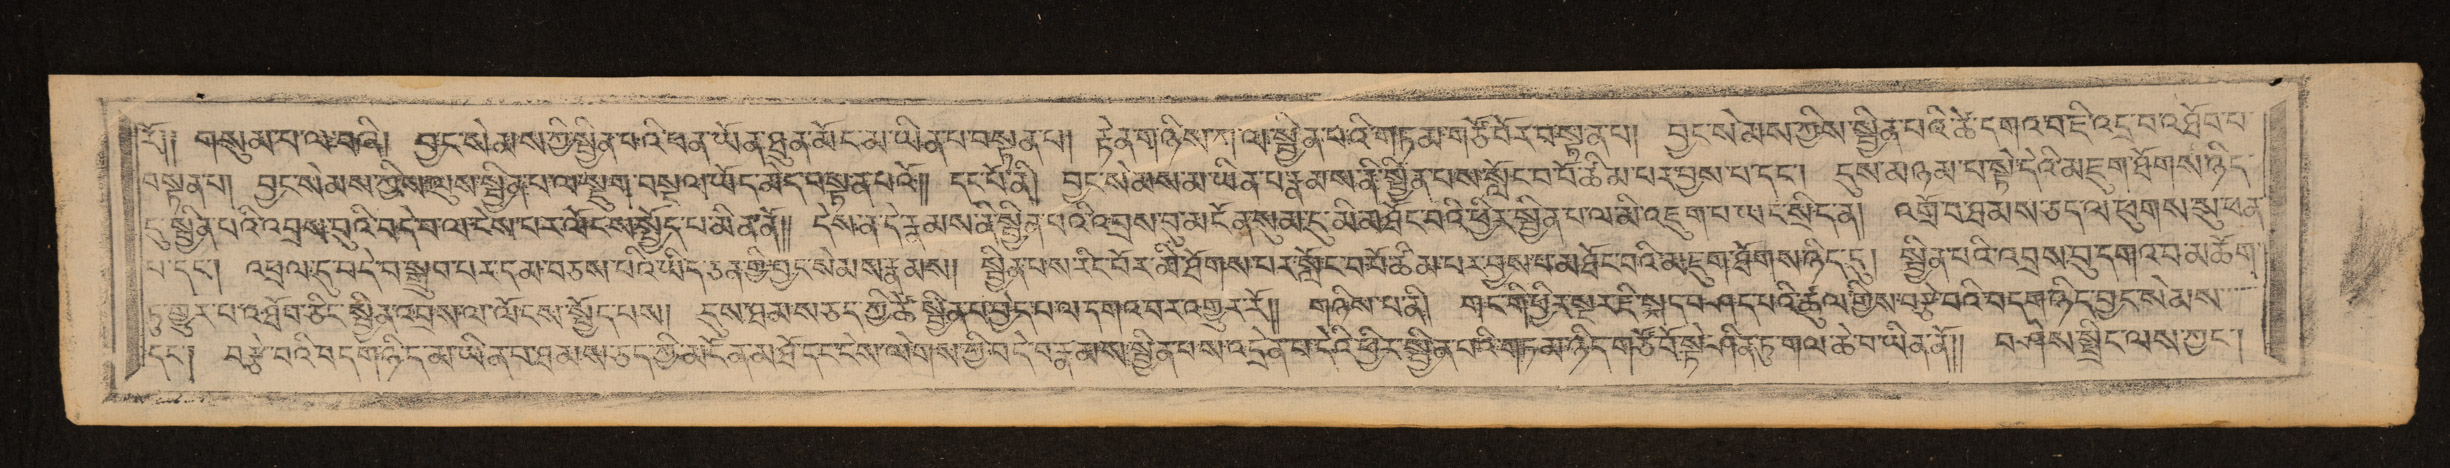རོ།། གསུམ་པ་ལ་བཞི། བྱང་སེམས་ཀྱི་སྦྱིན་པའི་ཕན་ཡོན་ཐུན་མོང་མ་ཡིན་པ་བསྟན་པ། རྟེན་གཉིས་ཀ་ལ་སྦྱིན་པའི་གཏམ་གཙོ་བོར་བསྟན་པ། བྱང་སེམས་ཀྱིས་སྦྱིན་པའི་ཚེ་དགའ་བ་ཇི་འདྲ་བ་འཐོབ་པ་
བསྟན་པ། བྱང་སེམས་ཀྱིས་ལུས་སྦྱིན་པ་ལ་སྡུག་བསྔལ་ཡོད་མེད་བསྟན་པའོ།། དང་པོ་ནི། བྱང་སེམས་མ་ཡིན་པ་རྣམས་ནི་སྦྱིན་པས་སློང་བ་པོ་ཚིམ་པར་བྱས་པ་དང་། དུས་མཉམ་པ་སྟེ་དེའི་མཇུག་ཐོགས་ཉིད་
དུ་སྦྱིན་པའི་འབྲས་བུའི་བདེ་བ་ལ་ངེས་པར་ལོངས་སྤྱོད་པ་མིན་ནོ།། དེས་ན་དེ་རྣམས་ནི་སྦྱིན་པའི་འབྲས་བུ་མངོན་སུམ་དུ་མི་མཐོང་བའི་ཕྱིར་སྦྱིན་པ་ལ་མི་འཇུག་པ་ཡང་སྲིད་ན། འགྲོ་བ་ཐམས་ཅད་ལ་ཕུགས་སུ་ཕན་
པ་དང་། འཕྲལ་དུ་བདེ་བ་སྒྲུབ་པར་དམ་བཅས་པའི་ཡིད་ཅན་གྱི་བྱང་སེམས་རྣམས། སྦྱིན་པས་རིང་པོར་མེ་ཐོགས་པར་སློང་བ་པོ་ཚིམ་པར་བྱས་པ་མཐོང་བའི་མཇུག་ཐོགས་ཉིད་དུ། སྦྱིན་པའི་འབྲས་བུ་དགའ་བ་མཆོག་
ཏུ་གྱུར་པ་འཐོབ་ཅིང་སྦྱིན་འབྲས་ལ་ལོངས་སྤྱོད་པས། དུས་ཐམས་ཅད་ཀྱི་ཚེ་སྦྱིན་པ་བྱེད་པ་ལ་དགའ་བར་འགྱུར་རོ།། གཉིས་པ་ནི། གང་གི་ཕྱིར་སྔར་ཇི་སྐད་བཤད་པའི་ཚུལ་གྱིས་བརྩེ་བའི་བདག་ཉིད་བྱང་སེམས་
དང་། བརྩེ་བའི་བདག་ཉིད་མ་ཡིན་པ་ཐམས་ཅད་ཀྱི་མངོན་མཐོ་དང་ངེས་ལེགས་ཀྱི་བདེ་བ་རྣམས་སྦྱིན་པས་འདྲེན་པ་དེའི་ཕྱིར། སྦྱིན་པའི་གཏམ་ཉིད་གཙོ་བོ་སྟེ་ཤིན་ཏུ་གལ་ཆེ་བ་ཡིན་ནོ།། བཤེས་སྤྲིང་ལས་ཀྱང་།